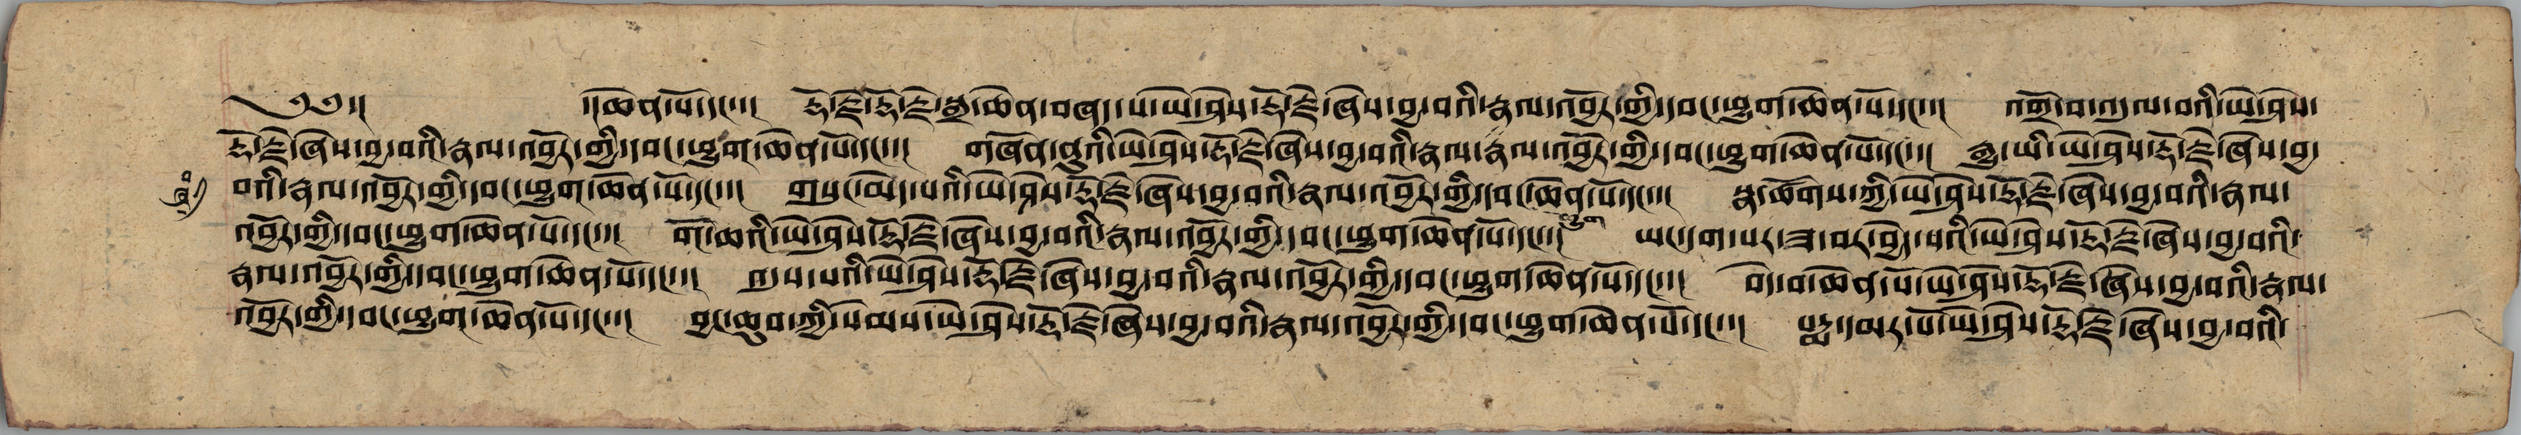༄༅་། ་།ཆེན་པོ་དང་་། རྡོ་རྗེ་རྡོ་རྗེ་སྒྲ་ཆེན་བཞད་པ་ཡེ་ཤེས་རྡོ་རྗེ་ཞེས་བྱ་བའི་རྣལ་འབྱོར་གྱི་དབང་ཕྱུག་ཆེན་པོ་དང་་། འགྲོ་བ་འདུལ་བའི་ཡེ་ཤེས་
རྡོ་རྗེ་ཞེས་བྱ་བའི་རྣལ་འབྱོར་གྱི་དབང་ཕྱུག་ཆེན་པོ་དང་་། གཞོན་ནུའི་ཡེ་ཤེས་རྡོ་རྗེ་ཞེས་བྱ་བའི་རྣལ་འབྱོར་གྱི་དབང་ཕྱུག་ཆེན་པོ་དང་་། རྒྱུ་ཡི་ཡེ་ཤེས་རྡོ་རྗེ་ཞེས་བྱ་
བའི་རྣལ་འབྱོར་གྱི་དབང་ཕྱུག་ཆེན་པོ་དང་་། གསུང་མེད་པའི་ཡེ་ཤེས་རྡོ་རྗེ་ཞེས་བྱ་བའི་རྣལ་འབྱོར་གྱི་དབང་ཆེན་པོ་དང་་། སྣ་ཚོགས་ཀྱི་ཡེ་ཤེས་རྡོ་རྗེ་ཞེས་བྱ་བའི་རྣལ་
འབྱོར་གྱི་དབང་ཕྱུག་ཆེན་པོ་དང་་། གོ་ཆའི་ཡེ་ཤེས་རྡོ་རྗེ་ཞེས་བྱ་བའི་རྣལ་འབྱོར་གྱི་དབང་ཕྱུག་ཆེན་པོ་དང་་། ཡང་དག་པར་ཟ་བར་བྱེད་པའི་ཡེ་ཤེས་རྡོ་རྗེ་ཞེས་བྱ་བའི་
རྣལ་འབྱོར་གྱི་དབང་ཕྱུག་ཆེན་པོ་དང་་། འདུས་པའི་ཡེ་ཤེས་རྡོ་རྗེ་ཞེས་བྱ་བའི་རྣལ་འབྱོར་གྱི་དབང་ཕྱུག་ཆེན་པོ་དང་་། བདེ་བ་ཆེན་པོ་ཡེ་ཤེས་རྡོ་རྗེ་ཞེས་བྱ་བའི་རྣལ་
འབྱོར་གྱི་དབང་ཕྱུག་ཆེན་པོ་དང་་། བྱང་ཆུབ་ཀྱི་སེམས་ཡེ་ཤེས་རྡོ་རྗེ་ཞེས་བྱ་བའི་རྣལ་འབྱོར་གྱི་དབང་ཕྱུག་ཆེན་པོ་དང་་། པདྨ་དམར་པོ་ཡེ་ཤེས་རྡོ་རྗེ་ཞེས་བྱ་བའི་